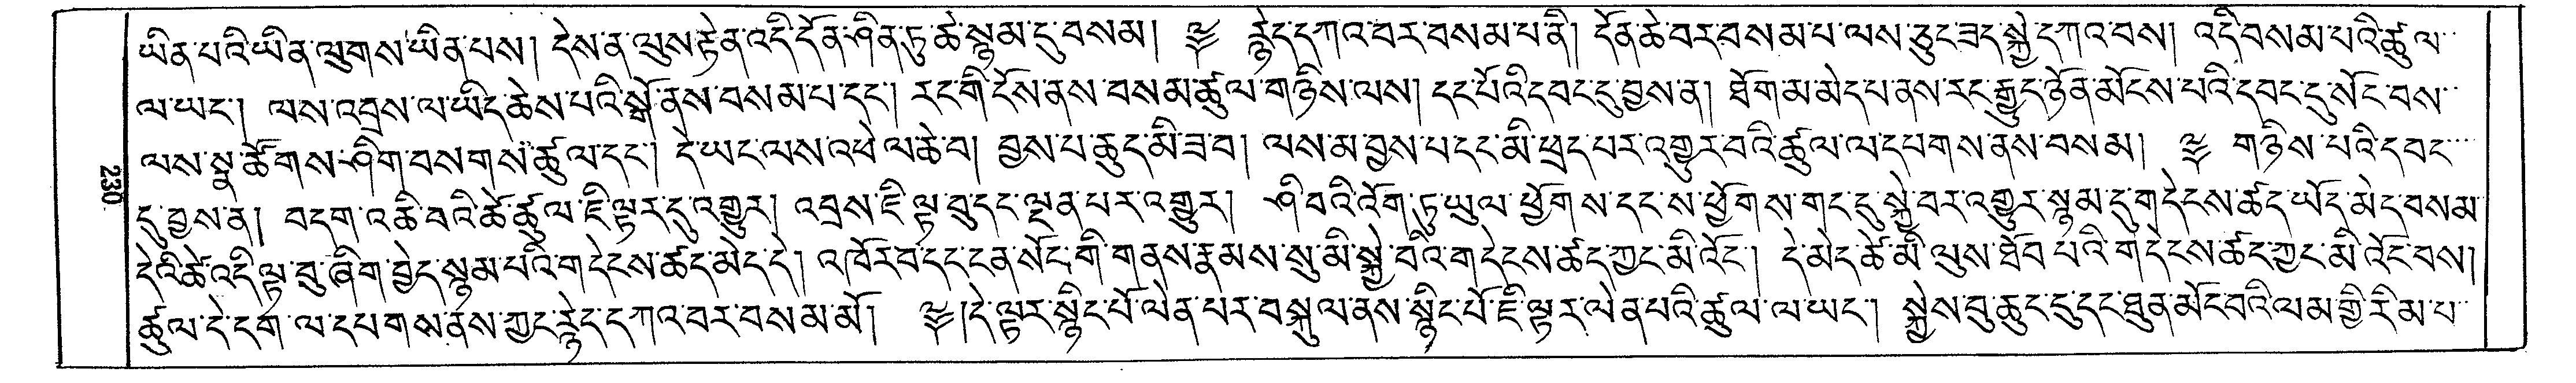ཡིན་པའི་ཡིན་ལུགས་ཡིན་པས། དེས་ན་ལུས་རྟེན་འདི་དོན་ཤིན་ཏུ་ཆེ་སྙམ་དུ་བསམ། ༈ རྙེད་དཀའ་བར་བསམ་པ་ནི། དོན་ཆེ་བར་བསམ་པ་ལས་ཅུང་ཟད་སྐྱེ་དཀའ་བས། འདི་བསམ་པའི་ཚུལ་
ལ་ཡང་། ལས་འབྲས་ལ་ཡིད་ཆེས་པའི་སྒོ་ནས་བསམ་པ་དང་། རང་གི་ངོས་ནས་བསམ་ཚུལ་གཉིས་ལས། དང་པོའི་དབང་དུ་བྱས་ན། ཐོག་མ་མེད་པ་ནས་རང་རྒྱུད་ཉོན་མོངས་པའི་དབང་དུ་སོང་བས་
ལས་སྣ་ཚོགས་ཤིག་བསགས་ཚུལ་དང་། དེ་ཡང་ལས་འཕེལ་ཆེ་བ། བྱས་པ་ཆུད་མི་ཟ་བ། ལས་མ་བྱས་པ་དང་མི་ཕྲད་པར་འགྱུར་བའི་ཚུལ་ལ་དཔགས་ནས་བསམ། ༈ གཉིས་པའི་དབང་
དུ་བྱས་ན། བདག་འཆི་བའི་ཚེ་ཚུལ་ཇི་ལྟར་དུ་འགྱུར། ཐབས་ཇི་ལྟ་བུ་དང་ལྡན་པར་འགྱུར། ཤི་བའི་འོག་ཏུ་ཡུལ་ཕྱོགས་དང་ས་ཕྱོགས་གང་དུ་སྐྱེ་བར་འགྱུར་སྙམ་དུ་གདེངས་ཚད་ཡོད་མེད་བསམ་
དེའི་ཚེ་འདི་ལྟ་བུ་ཞིག་བྱེད་སྙམ་པའི་གདེངས་ཚད་མེད་དེ། འཁོར་བ་དང་ངན་སོང་གི་གནས་རྣམས་སུ་མི་སྐྱེ་བའི་གདེངས་ཚད་ཀྱང་མི་འོང་། དེ་མེད་ཚེ་མི་ལུས་ཐོབ་པའི་གདེངས་ཚད་ཀྱང་མི་འོང་བས།
ཚུལ་དེ་དག་ལ་དཔགས་ནས་ཀྱང་རྙེད་དཀའ་བར་བསམ་མོ། ༈ །དེ་ལྟར་སྙིང་པོ་ལེན་པར་བསྐུལ་ནས་སྙིང་པོ་ཇི་ལྟར་ལེན་པའི་ཚུལ་ལ་ཡང་། སྐྱེས་བུ་ཆུང་ངུ་དང་ཐུན་མོང་བའི་ལམ་གྱི་རིམ་པ་